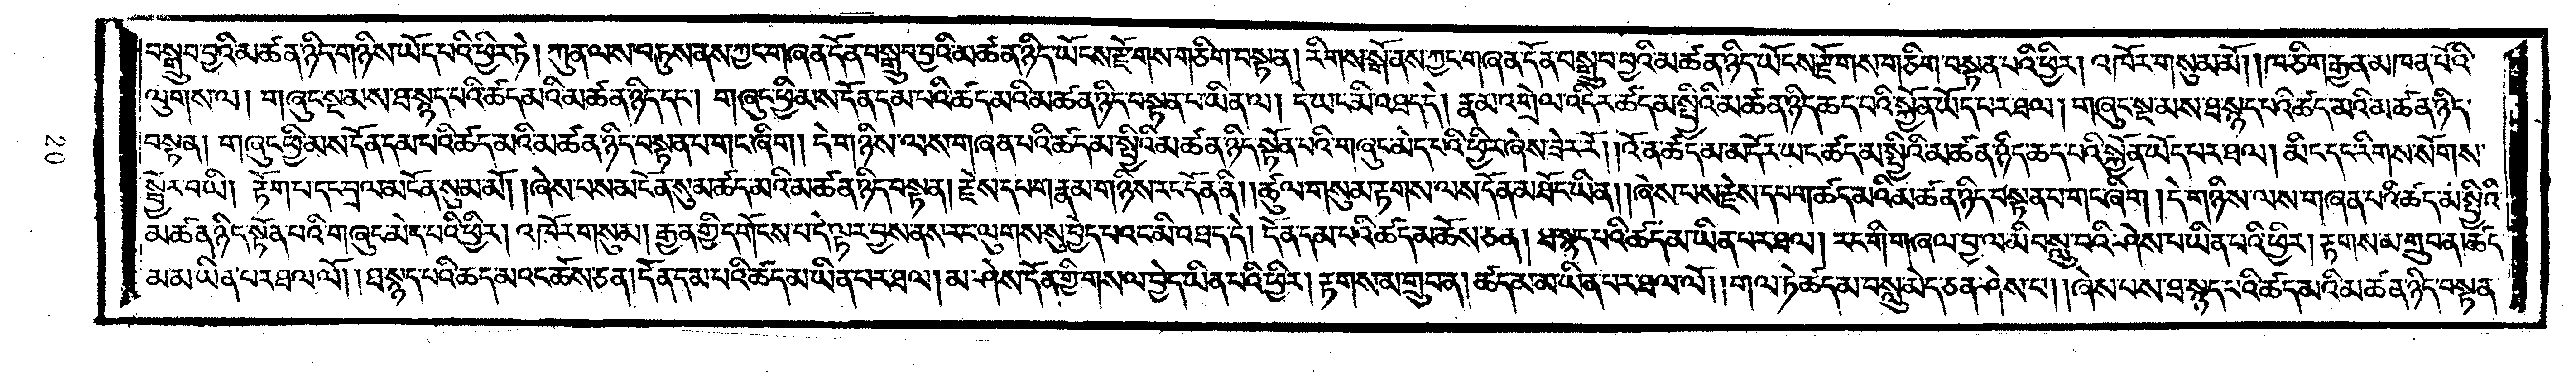བསྒྲུབ་བྱའི་མཚན་ཉིད་གཉིས་ཡོད་པའི་ཕྱིར་ཏེ། ཀུན་ལས་བཏུས་ནས་ཀྱང་གཞན་དོན་བསྒྲུབ་བྱའི་མཚན་ཉིད་ཡོངས་རྫོགས་གཅིག་བསྟན། རིགས་སྒོ་ནས་ཀྱང་གཞན་དོན་བསྒྲུབ་བྱའི་མཚན་ཉིད་ཡོངས་རྫོགས་གཅིག་བསྟན་པའི་ཕྱིར། འཁོར་གསུམ་མོ། །ཁ་ཅིག་རྒྱན་མཁན་པོའི་
ལུགས་ལ། གཞུང་སྔ་མས་ཐ་སྙད་པའི་ཚད་མའི་མཚན་ཉིད་དང་། གཞུང་ཕྱི་མས་དོན་དམ་པའི་ཚད་མའི་མཚན་ཉིད་བསྟན་པ་ཡིན་ལ། དེ་ཡང་མི་འཐད་དེ། རྣམ་འགྲེལ་འདིར་ཚད་མ་སྤྱིའི་མཚན་ཉིད་ཆད་པའི་སྐྱོན་ཡོད་པར་ཐལ། གཞུང་སྔ་མས་ཐ་སྙད་པའི་ཚད་མའི་མཚན་ཉིད་
བསྟན། གཞུང་ཕྱི་མས་དོན་དམ་པའི་ཚད་མའི་མཚན་ཉིད་བསྟན་པ་གང་ཞིག། དེ་གཉིས་ལས་གཞན་པའི་ཚད་མ་སྤྱིའི་མཚན་ཉིད་སྟོན་པའི་གཞུང་མེད་པའི་ཕྱིར་ཞེས་ཟེར་རོ། །འོ་ན་ཚད་མ་མདོར་ཡང་ཚད་མ་སྤྱིའི་མཚན་ཉིད་ཆད་པའི་སྐྱོན་ཡོད་པར་ཐལ། མིང་དང་རིགས་སོགས་
སྦྱོར་བ་ཡི། །རྟོག་པ་དང་བྲལ་མངོན་སུམ་མོ། །ཞེས་པས་མངོན་སུམ་ཚད་མའི་མཚན་ཉིད་བསྟན། རྗེས་དཔག་རྣམ་གཉིས་རང་དོན་ནི། །ཚུལ་གསུམ་རྟགས་ལས་དོན་མཐོང་ཡིན། །ཞེས་པས་རྗེས་དཔག་ཚད་མའི་མཚན་ཉིད་བསྟན་པ་གང་ཞིག། །དེ་གཉིས་ལས་གཞན་པའི་ཚད་མ་སྤྱིའི་
མཚན་ཉིད་སྟོན་པའི་གཞུང་མེད་པའི་ཕྱིར། འཁོར་གསུམ། རྒྱན་གྱི་དགོངས་པ་དེ་ལྟར་བྱས་ནས་རང་ལུགས་སུ་བྱེད་པའང་མི་འཐད་དེ། དོན་དམ་པའི་ཚད་མ་ཆོས་ཅན། ཐ་སྙད་པའི་ཚད་མ་ཡིན་པར་ཐལ། རང་གི་གཞལ་བྱ་ལ་མི་བསླུ་བའི་ཤེས་པ་ཡིན་པའི་ཕྱིར། རྟགས་མ་གྲུབ་ན། ཚད་
མ་མ་ཡིན་པར་ཐལ་ལོ། །ཐ་སྙད་པའི་ཚད་མའང་ཆོས་ཅན། དོན་དམ་པའི་ཚད་མ་ཡིན་པར་ཐལ། མ་ཤེས་དོན་གྱི་གསལ་བྱེད་ཡིན་པའི་ཕྱིར། རྟགས་མ་གྲུབ་ན། ཚད་མ་མ་ཡིན་པར་ཐལ་ལོ། །གལ་ཏེ་ཚད་མ་བསླུ་མེད་ཅན་ཤེས་པ། །ཞེས་པས་ཐ་སྙད་པའི་ཚད་མའི་མཚན་ཉིད་བསྟན།